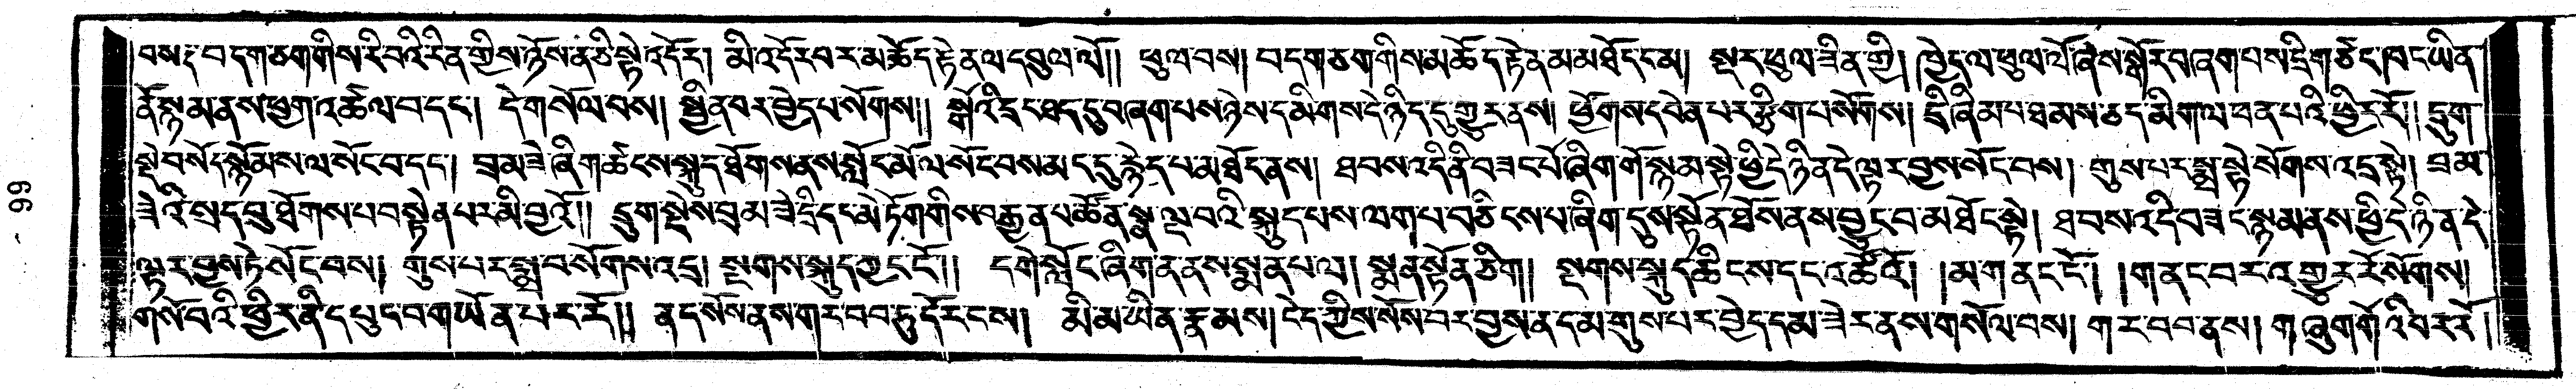བས༑ བདག་ཅག་གིས་རི་བའི་རིན་གྱིས་ཉོས་ན་ཅི་སྟེ་འདོར། མི་འདོར་བར་མཆོད་རྟེན་ལ་དབུལ་ལོ། །ཕུལ་བས། བདག་ཅག་གིས་མཆོད་རྟེན་མ་མཐོང་ངམ། སྔར་ཕུལ་ཟིན་གྱི། ཁྱེད་ལ་ཕུལ་ལོ་ཞེས་སྒོར་བཞག་པས་དྲི་གཙང་ཁང་ཡིན་
ནོ་སྙམ་ནས་ཕྱག་འཚལ་བ་དང་། དེ་གསོལ་བས། སྦྱིན་བར་བྱེད་པ་སོགས། །སྒོའི་དྲང་ཐད་དུ་བཞག་པས་ཉེས་དམིགས་དེ་ཉིད་དུ་གྱུར་ནས། ཕྱོགས་དབེན་པར་རྩིག་པ་སོགས། དྲི་ཞིམ་པ་ཐམས་ཅད་མིག་ལ་ཕན་པའི་ཕྱིར་རོ། །དྲུག་
སྡེ་བསོད་སྙོམས་ལ་སོང་བ་དང་། བྲམ་ཟེ་ཞིག་ཚངས་སྐུད་ཐོགས་ནས་སློང་མོ་ལ་སོང་བས་མང་དུ་རྙེད་པ་མཐོང་ནས། ཐབས་འདི་ནི་བཟང་པོ་ཞིག་གོ་སྙམ་སྟེ་ཕྱི་དེ་ཉིན་དེ་ལྟར་བྱས་སོང་བས། གུས་པར་སྨྲ་སྟེ་སོགས་འདྲ་སྟེ། བྲམ་
ཟེའི་སྲད་བུ་ཐོགས་པ་བསྟེན་པར་མི་བྱའོ། །དྲུག་སྡེས་བྲམ་ཟེ་དྲི་དང་མེ་ཏོག་གིས་བརྒྱན་པ་ཚོན་སྣ་ལྔ་པའི་སྐུད་པས་ལག་པ་བཅིངས་པ་ཞིག་དུས་སྟོན་ཐོས་ནས་བྱུང་བ་མཐོང་སྟེ། ཐབས་འདི་བཟང་སྙམ་ནས་ཕྱི་དེ་ཉིན་དེ་
ལྟར་བྱས་ཏེ་སོང་བས། གུས་པར་སྨྲ་བ་སོགས་འདྲ། སྔགས་སྐུད་ཀྱང་ངོ། །དགེ་སློང་ཞིག་ན་ནས་སྨན་པ་ལ། སྨན་སྟོན་ཅིག །སྔགས་སྐུད་ཆིངས་དང་འཚོའོ། །མ་གནང་ངོ། །གནང་བར་འགྱུར་རོ་སོགས།
གསོ་བའི་ཕྱིར་ནི་དཔུང་བ་གཡོན་པར་རོ། །ནད་སོས་ནས་གར་བབ་ཏུ་དོར་ངས། མི་མ་ཡིན་རྣམས། ངེད་ཀྱིས་སོས་བར་བྱས་ན་དམ་གུས་པར་བྱེད་དམ་ཟེར་ནས་གསོལ་བས། གར་བབ་ནས། གཞུག་གོའི་བར་རོ།